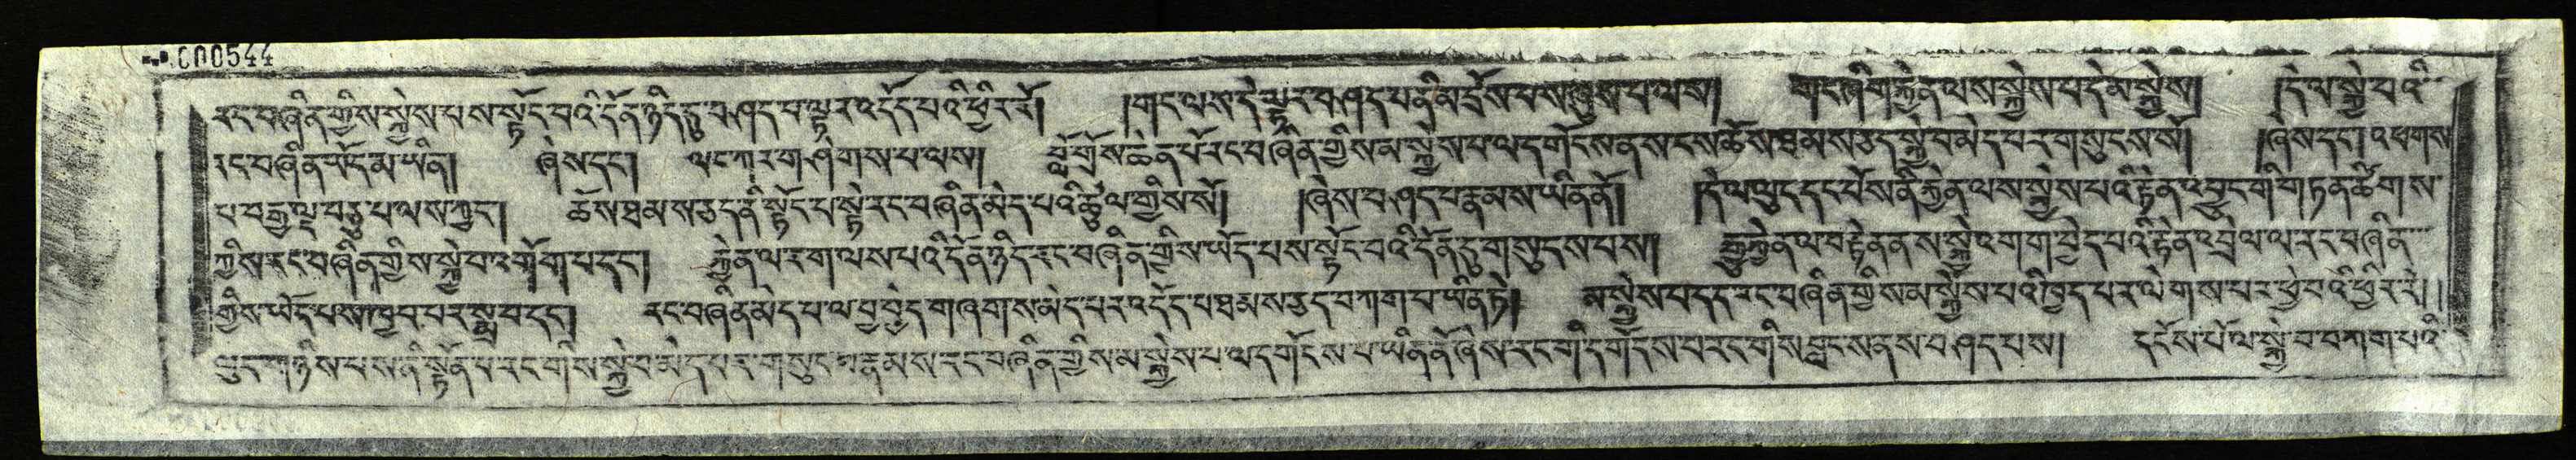རང་བཞིན་གྱིས་སྐྱེས་པས་སྟོང་པའི་དོན་ཉིད་དུ་བཤད་པ་ལྟར་འདོད་པའི་ཕྱིར་རོ། །གང་ལས་དེ་ལྟར་བཤད་པ་ནི་མ་དྲོས་པས་ཞུས་པ་ལས། གང་ཞིག་རྐྱེན་ལས་སྐྱེས་པ་དེ་མ་སྐྱེས། །དེ་ལ་སྐྱེ་བའི་
རང་བཞིན་ཡོད་མ་ཡིན། ཞེས་དང་། ལང་ཀར་གཤེགས་པ་ལས། བློ་གྲོས་ཆེན་པོ་རང་བཞིན་གྱིས་མ་སྐྱེས་པ་ལ་དགོངས་ན་སངས་ཆོས་ཐམས་ཅད་སྐྱེ་བ་མེད་པར་གསུངས་སོ། །ཞེས་དང་། འཕགས་
པ་བརྒྱ་ལྔ་བཅུ་པ་ལས་ཀྱང་། ཆོས་ཐམས་ཅད་ནི་སྟོང་པ་སྟེ་རང་བཞིན་མེད་པའི་ཚུལ་གྱིས་སོ། །ཞེས་བཤད་པ་རྣམས་ཡིན་ནོ། །དེ་ལ་ལུང་དང་པོས་ནི་རྐྱེན་ལས་སྐྱེས་པའི་རྟེན་འབྱུང་གི་གཏན་ཚིགས་
ཀྱིས་རང་བཞིན་གྱིས་སྐྱེ་བ་འགོག་པ་དང་། རྐྱེན་ལ་ངག་ལས་པའི་དོན་ཉིད་རང་བཞིན་གྱིས་ཡོད་པས་སྟོང་པའི་དོན་དུ་གསུངས་པས། རྒྱུ་རྐྱེན་ལ་བརྟེན་ནས་སྐྱེ་འགག་བྱེད་པའི་རྟེན་འབྲེལ་ལ་རང་བཞིན་
གྱིས་ཡོད་པས་ཁྱབ་པར་སྨྲ་བ་དང་། རང་བཞིན་མེད་པ་ལ་བྱ་བྱེད་གཞག་ས་མེད་པར་འདོད་པ་ཐམས་ཅད་བཀག་པ་ཡིན་ཏེ། མ་སྐྱེས་པ་དང་རང་བཞིན་གྱིས་མ་སྐྱེས་པའི་ཁྱད་པར་ལེགས་པར་ཕྱེ་བའི་ཕྱིར་རོ། །
ལུང་གཉིས་པས་ནི་སྟོན་པ་རང་གིས་སྐྱེ་བ་མེད་པར་གསུང་བ་རྣམས་རང་བཞིན་གྱིས་མ་སྐྱེས་པ་ལ་དགོངས་པ་ཡིན་ནོ་ཞེས་རང་གི་དགོངས་པ་རང་གིས་བླང་ས་ནས་བཤད་པས། དངོས་པོ་ལ་སྐྱེ་བ་བཀག་པའི་